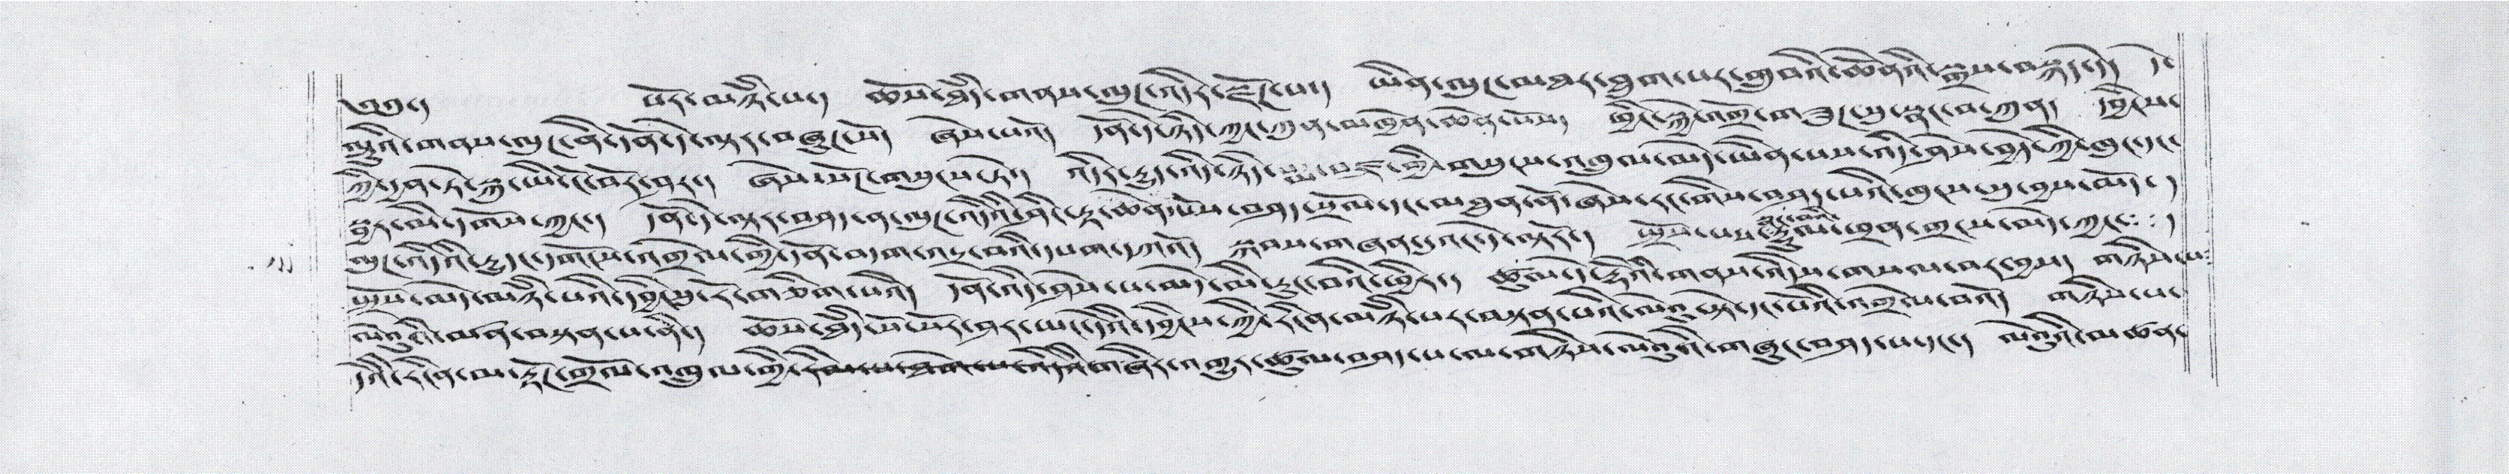པོར་མཉམ་པ། ཆོས་ཉིད་གནས་ལུགས་འདིར་རྫོགས་པ། ཡིན་ལུགས་མཐར་ཐུག་པར་གྲུབ་པའི་ཆེན་པོ་སྒྲས་བསྙད་དེ། དེ་
ལྟ་བུའི་གནས་ལུགས་ནི་དོན་དེ་ལྟར་བཞུགས་སོ། ཞེས་པའོ། དོན་དེ་ཉིད་ཀྱང་། ཀུན་མཁྱེན་ཆེན་པོས། ཕྱི་ནང་སྐྱེ་འགྲོ་གཟུགས་སུ་སྣང་བ་ཀུན། དབྱིངས་
ཀྱི་རྒྱན་ཏེ་སྐུ་ཡི་ངོ་བོར་ཤར། ཞེས་སོགས་གསུངས་ཏེ། འདིར་རྒྱུད་འདི་ཉིད་པདྨ་བཛྲ་གྱི་གསུང་འཁྲུལ་མེད་ཡིན་པས་འདི་ཤེས་བྱེད་ཀྱི་ཁུངས་དང་
སྦྱར་མི་དགོས་ཀྱང་། དོན་དེ་ལྟར་བཤད་ན་ལུང་འདིའི་ཤིང་རྟ་ཆེན་པོའི་བཤད་སྲོལ་དང་མཐུན་ནོ་ཞེས་རང་གིས་བཤད་པའི་ཁུངས་སུ་བྱས་མོད། 
ལུགས་འདིའི་རྒྱུད་དགོངས་འགྲེལ་གྱི་དོན་བདག་འདྲ་བའི་དཔག་དཀའོ། སྐབས་གཞན་དུའང་དེ་ལྟར་རོ། སྤྲོས་པས་སྣང་བའི་རྡུལ་ཕྲན་གྲངས་མེད་ཀྱང་། 
སྤྲོས་མེད་མཉམ་པའི་དབྱིངས་སུ་རོ་གཅིག་པའི། དོན་འདི་ཤེས་པ་མེད་མི་རུང་བའི་ཕྱིར། ཚུལ་དེ་རྡོ་རྗེའི་གནས་འདིའི་གསལ་བར་བྱས། གཉིས་པ་
ལེའུ་མཚན་བསྟན་པ་ནི། ཆོས་ཐམས་ཅད་སོ་སོར་ཤར་ཡང་དེའི་དབྱིངས་ཀྱི་རང་བཞིན་མཉམ་པར་བསྟན་པའི་ལེའུ་སྟེ་དང་པོའི་འགྲེལ་བའོ། གཉིས་པ་
དེའི་རང་བཞིན་མ་རྟོགས་གྲོལ་འཁྲུལ་གྱི་འགྱུར་ཚུལ་བཤད་པ་ལ་གཉིས། ལེའུའི་གཞུང་བཤད་པ་དང་། ལེའུ་མཚན་